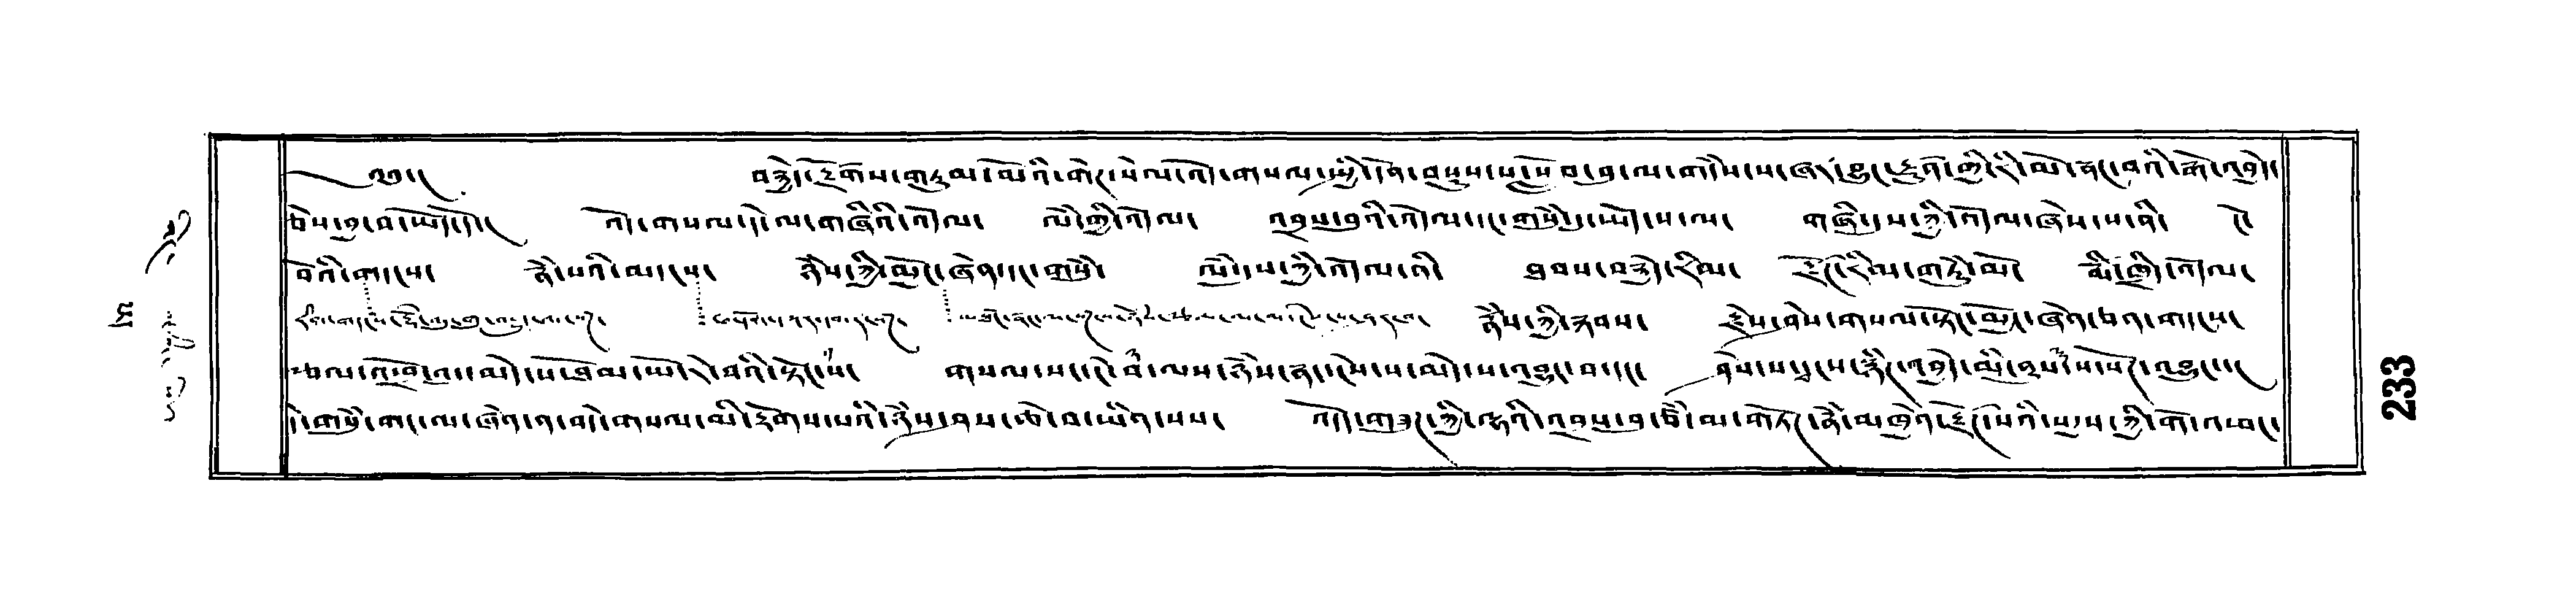བསྐྱེད་རྫོགས་གཏུམ་མོའི་གེགས་སེལ་འོད་གསལ་སྤྱི་དོན་བསྡུས་པ་སློབ་བུ་ལ་གདམས་པ་ཞར་བྱུང་རྫུན་གྱི་རི་མོ་སྣང་བའི་སྒོ་འབྱེད་
ཅེས་བྱ་བ་ཡོད་དོ། འོད་གསལ་དེ་ལ་གཞིའི་འོད་གསལ། ལམ་གྱི་འོད་གསལ། འབྲས་བུའི་འོད་གསལ་དང་གསུམ་དུ་ཡོད་པ་ལ། གཞི་དུས་ཀྱི་འོད་གསལ་ཞེས་པ་ནི། ངོ་
བོའི་གདངས། རྣམ་པའི་མདངས། ཉམས་ཀྱི་མྱོང་ཞེན་དང་གསུམ། ལམ་དུས་ཀྱི་འོད་གསལ་ནི། ཐབས་བསྐྱེད་རིམ། རྫོགས་རིམ་གཏུམ་མོ། རྨི་ཁྲིད་འོད་གསལ་
རྣམས་ཀྱི་སྐབས། རྗེས་ཤེས་གསལ་སྟོང་མྱོང་ཞེན་ཅན་གདངས་
རྩལ་འཕྲོ་འདུ་མེད་པ་ཐོམ་ཡོ་རེ་བའི་སྟོང་པ། གསལ་སང་ངེ་བ་ལས་ཉམས་སྣང་ངེས་པ་མེད་པ་འབྱུང་བ་དང་། ཤེས་པ་དྭངས་སྙིགས་འབྱེད་མི་ནུས་པ་སོགས་འབྱུང་། 
དེ་གསུམ་གང་ལ་ཞེན་ན་བདེ་གསལ་མི་རྟོག་པའི་ཉམས་ཤས་ཆེ་བ་ཡིན་པས། འདོད་གཟུགས་ཀྱི་ལྷའི་འབྲས་བུ་ཙམ་མ་གཏོགས་རྣམ་མཁྱེན་རྫོགས་པའི་སངས་རྒྱས་ཀྱི་གོ་འཕང་